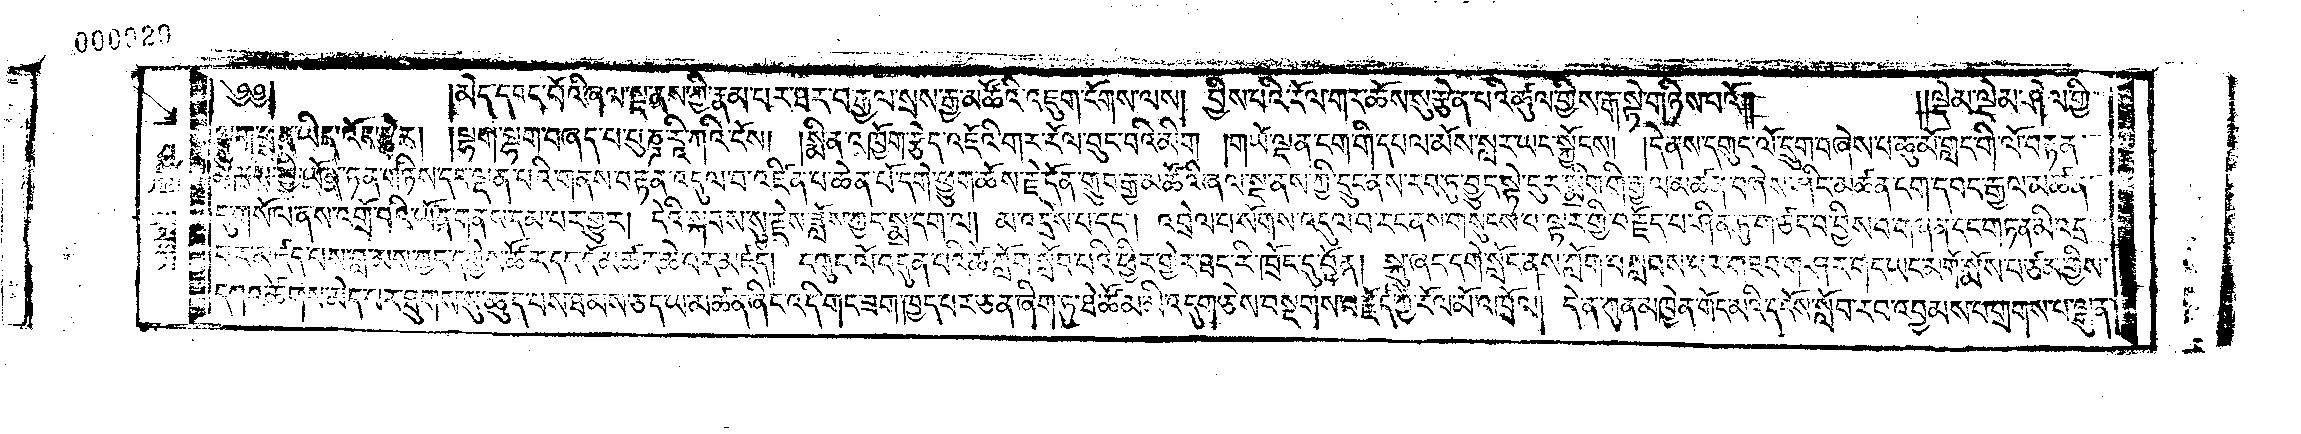༄༅། །མེད་དབང་བོའི་ཞལ་སྔ་ནས་ཀྱི་རྣམ་པར་ཐར་པ་རྒྱལ་སྲས་རྒྱ་མཚོའི་འཇུག་ངོགས་ལས། བྱིས་པའི་རོལ་གར་ཆོས་སུ་རྩེན་པའི་ཚུལ་གྱིས་རྒ་སྟེ་གཉིས་པའོ།། །།ལྡེམ་ལྡེམ་ཤེལ་གྱི་
ལྕུག་ཕྲན་ཡིད་འོང་རྩེར། །ལྷག་ལྷག་བཞད་པ་པུཎྜ་རཱི་ཀའི་ངོས། །སྨིན་འཁྱོག་རྩེད་འཇོའི་གར་རོལ་བུང་བའི་མིག །གཡོ་ལྡན་ངག་གི་དཔལ་མོས་སླར་ཡང་སྐྱོངས། །དེ་ནས་དགུང་ལོ་དྲུག་བཞེས་པ་ཆུ་མོ་གླང་གི་ལོ་བརྟན་
མཁས་ཀྱི་ཡོན་ཏན་གཉིས་དང་ལྡན་པའི་གནས་བརྟན་འདུལ་བ་འཛིན་པ་ཆེན་པོ་དགེ་ཕྱུག་ཆོས་རྗེ་དོན་གྲུབ་རྒྱ་མཚོའི་ཞལ་སྔ་ནས་ཀྱི་དྲུང་ནས་རབ་ཏུ་བྱུང་སྟེ་ངུར་སྨྲིག་གི་རྒྱལ་མཚན་བཞེས་ཤིང་མཚན་ངག་དབང་རྒྱལ་མཚན་
དུ་གསོལ་ནས་འགྲོ་བའི་ཡོན་གནས་དམ་བར་གྱུར། དེའི་སྐབས་སུ་རྗེས་ཟློས་ཀྱང་སྨྲ་དག་ལ། མ་འདྲེས་པ་དང་། འབྲེལ་བ་སོགས་འདུལ་བ་རང་ནས་གསུངས་བ་ལྟར་གྱི་བརྗོད་པ་ཤིན་ཏུ་གཙང་བ་བྱིས་པ་གཞན་དང་གཏན་མི་འདྲ་
བར་མཛད་པས་བླ་མས་ཀྱང་དགྱེས་ཚོར་དང་ངོ་མཚར་ཆེ་བར་མཛད། དགུང་ལོ་བདུན་པའི་ཚེ་ཀློག་སློབ་པའི་ཕྱིར་གྱེར་ཐང་རི་ཁྲོད་དུ་བྱོན། སྐུ་ཞང་དགེ་སློང་ནས་ཀློག་བསླབས་པར་གཟབ་གཤར་གང་ཡང་མགོ་སྨོས་པ་ཙམ་གྱིས་
དཀའ་ཚིགས་མེད་པར་ཐུགས་སུ་ཆུང་བས་ཐམས་ཅད་ཡ་མཚན་ཞིང་འདི་གང་ཟག་ཁྱད་པར་ཅན་ཞིག་ཏུ་ཐེ་ཚོམ་མི་འདུག་ཅེས་བསྔགས་བརྗོད་ཀྱི་རོལ་མོ་འཁྲོལ། དེ་ན་ཀུན་མཁྱེན་གོང་མའི་དངོས་སློབ་རབ་འབྱམས་པ་གྲགས་པ་ལྷུན་